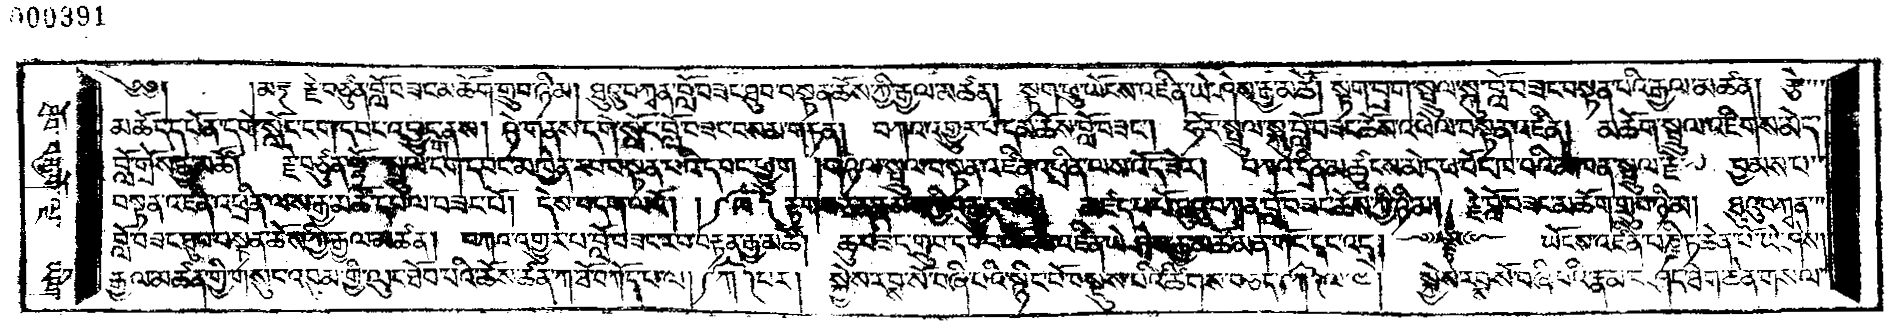༄༅། །མ༑ རྗེ་བཙུན་བློ་བཟང་མཆོག་གྲུབ་ཉི་མ། ཐུའུ་བཀྭན་བློ་བཟང་ཐུབ་བསྟན་ཆོས་ཀྱི་རྒྱལ་མཚན། སྟག་ཕུ་ཡོངས་འཛིན་ཡེ་ཤེས་རྒྱ་མཚོ། སྟག་བྲག་སྤྲུལ་སྐུ་བློ་བཟང་བསྟན་པའི་རྒྱལ་མཚན། རྩེ་
མཆོད་དཔོན་དགེ་སློང་ངག་དབང་འབྱུང་གནས། ཉེ་གནས་དགེ་སློང་བློ་བཟང་བསམ་གཏན། བཀའ་འགྱུར་བ་དམ་ཆོས་བློ་བཟང་། ཧོར་སྤྲུལ་སྐུ་བློ་བཟང་ཆོས་འཕེལ་བསྟན་འཛིན། མཆོག་སྤྲུལ་འཇིགས་མེད་
བློ་གྲོས་རྒྱ་མཚོ། རྗེ་བཙུན་ལྷོ་སྤྲུལ་ངག་དབང་མཁྱེན་རབ་བསྟན་པའི་དབང་ཕྱུག །གཉལ་སྤྲུལ་བསྟན་འཛིན་འཕྲིན་ལས་འོད་ཟེར། བཀའ་དྲིན་མཚུངས་མེད་ཕ་བོང་ཁ་པའི་མཁན་སྤྲུལ་རྗེ ༧་བྱམས་པ་
བསྟན་འཛིན་འཕྲིན་ལས་རྒྱ་མཚོ་དཔལ་བཟང་པོ། དེས་བདག་ལའོ། །༼ཁ༽ རྟགས་ཅན་རྣམས་ཀྱི་བརྒྱུད་པ་ནི། མཛད་པ་པོ་ཐུའུ་བཀྭན་བློ་བཟང་ཆོས་ཀྱི་ཉི་མ། རྗེ་བློ་བཟང་མཆོག་གྲུབ་ཉི་མ། ཐུའུ་བཀྭན་
བློ་བཟང་ཐུབ་བསྟན་ཆོས་ཀྱི་རྒྱལ་མཚན། བཀའ་འགྱུར་པ་བློ་བཟང་རབ་བརྟན་རྒྱ་མཚོ། ཆུ་བཟང་གྲུབ་དབང་ཡོངས་འཛིན་ཡེ་ཤེས་རྒྱ་མཚོ་མན་གོང་དང་འདྲ། ཡོངས་འཛིན་པཎྜི་ཏ་ཆེན་པོ་ཡེ་ཤེས།
རྒྱལ་མཚན་གྱི་གསུང་འབུམ་གྱི་ལུང་ཐོབ་པའི་ཆོས་ཚན་ཀ་ཐོ་བཀོད་པ་ལ། ༼ཀ༽ པར། སྐྱེས་རབས་སོ་བཞི་པའི་སྙིང་པོ་བསྡུས་པའི་ཚིགས་བཅད ༼ཀ༽ ལ ༤། སྐྱེས་རབས་སོ་བཞི་པའི་རྣམ་བཤད་ཐེག་ཆེན་གསལ་